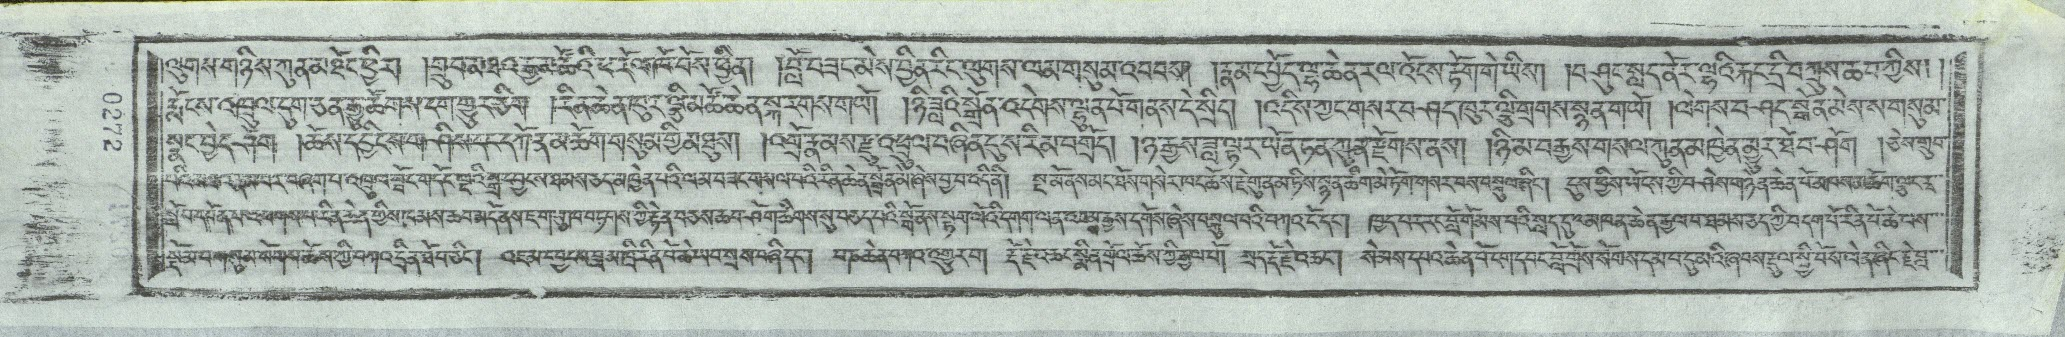ལུགས་གཉིས་ཀུན་མཐོང་ཕྱིར། །གྲུབ་མཐའ་རྒྱ་མཚོའི་ཕ་རོལ་ཁོ་བོས་ཕྱིན། །བློ་བཟང་མེས་བྱིན་རིང་ལུགས་ལམ་གསུམ་འབབས། རྣམ་དཔྱོད་ལྷ་ཆེན་རལ་འོངས་རྟོག་གེ་ཡིས། །བཤུང་སླད་ནོར་ལྷའི་རྐང་དྲི་བཀྲུས། ཆབ་ཀྱིས། །
རྨོངས་འཁྲུལ་དུག་ཅན་རྒྱུ་ཚོགས་དག་གྱུར་ཅིག །རིན་ཆེན་ཁུར་ལྕི་མཚོ་ཆེན་སྐ་རགས་གཡོ། །ཉི་ཟླའི་སྒྲོན་འདེགས་ལྷུན་པོ་གནས་དེ་སྲིད། །འདིས་ཀྱང་གསར་བཤད་ཁུར་ལྕི་གྲགས་སྙན་གཡོ། །ལེགས་བཤད་སྒྲོན་མེས་པ་ལ། གསུམ་
སྣང་བྱེད་ཤོག །ཆོས་དབྱིངས་གཤིས་དང་དཀོན་མཆོག་གསུམ་གྱིས་མཐུས། །འགྲོ་རྣམས་རྫུ་འཕྲུལ་བཞིན་དུས་རིམ་བགྲོ་རྣམས་རྫུ་འཕྲུལ་བཞིན་དུས་རིམ་བགྲོད། །ཉ་རྒྱས་ཟླ་ལྟར་ཡོན་ཏན་ཀུན་རྫོགས་ནས། །ཉི་མ་བརྒྱས་གསལ་ཀུན་མཁྱེན་མྱུར་ཐོབ་ཤོག། །ཅེས་གྲུབ་
པའི་མཐའ་རྣམ་པར་བཞག་འཁྲུལ་སྲོང་གདོང་ལྔའི་སྐྲ་དབྱངས་ཐམས་ཅད་མཁྱེན་པའི་ལམ་བཟང་གསལ་བའི་རིན་ཆེན་སྤོན་མོ་ཞེས་བྱ་བ་འདི་ནི། ལྔ་མོ་ནས་མང་ཐོས་གསེར། བང་ཆོས་རྗེ་གུན་མྟིས་སྙན་ཆིག་མེ་ཏོག་གསང་བསང་སྲུལ་ཞིང་། དུས་ཕྱིས་ཡོངས་ཀྱི་བཤེས་གཉན་ཆེན་པོ་མཁས་??ལྕང་རྔ་
སློབ་དཔོན་པ་འཕགས་པ་རིན་ཆེན་གྱིས་ཁམས་ཆབ་མདོ་ནས་ཇ་གཡུ་ཁ་བཏགས་ཀྱི་རྟེན་བཅས་ཆག་བཤོག་ཚིགས་སུ་བཅད་པའི་སྒོ་ནས་སྟག་ལོའི་དགག་ལན་??རྒྱས་དགོས་ཞེས་བསྐུལ་བའི་བཀའ་ངོ་དང་། ཁྱད་པར་རང་བློ་གོམ་པའི་སླད་དུ་བྑང་ཆེན་རྒྱལ་བ་ཐམ་ཅད་གྱི་བདག་པོ་རིན་པོ་ཆེ་ལས་
སྡོམ་པ་གསུམ་སོགས་ཚེས་ཀྱི་བཀའི་དྲིན་ཐོབ་ཅིང་། འཇམ་དབྱངས་བླ་མ་ཁྲི་རིན་པོ་ཆེ་ཡབ་སྲས་བཞི་དང་། པཎ་ཆེན་བཀའ་འགྱུར་བ། རྡོ་རྗེ་འཆད་སྨིན་གྲོལ་ཆོས་ཀྱི་རྒྱལ་པོ། སྲད་རྡོ་རྗེ་འཆང་། སེམས་དཔའ་ཆེན་པོ་ངག་དབང་བློ་གྲོས་སོགས་དམ་པ་དུ་མའི་ཞབས་རྡུལ་སྤྱི་བོས་ལེན་ཞིང་རྗེ་བླ་